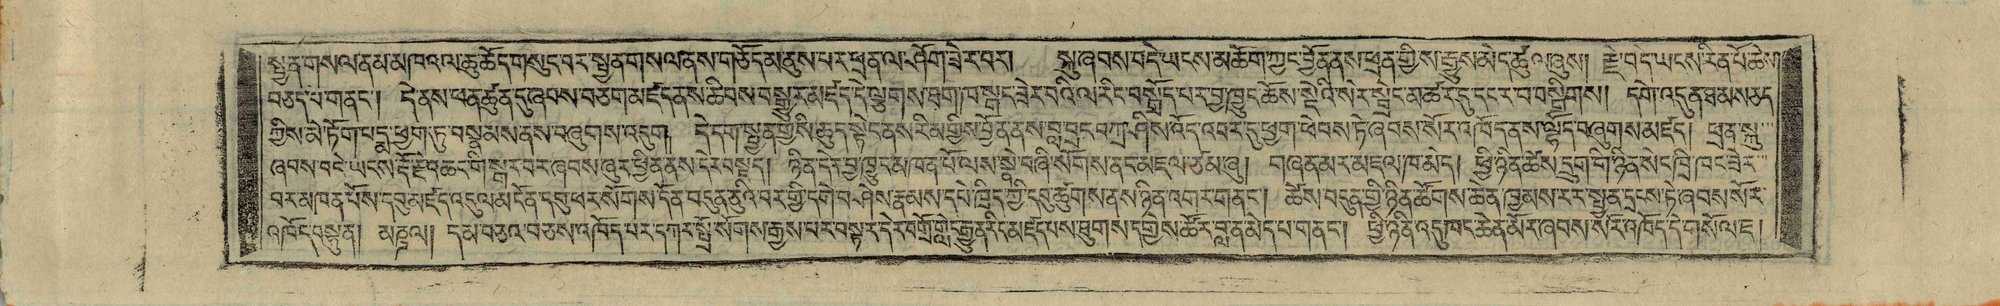སྤྱན་གསལ་ནམ་མཁའ་ལ་ཆུ་ཆོད་གསུང་བར་སྤྱན་གསལ་ནས་གཅོད་མ་ནུས་པར་ཕྲན་ལ་ཤོག་ཟེར་བར། སྐུ་ཞབས་བདེ་ཡངས་མཆོག་ཀྱང་བྱོན་ནས་ཕྲན་གྱིས་རྒྱུས་མེད་ཚུལ་ཞུས། རྗེ་བདེ་ཡངས་རིན་པོ་ཆེས་
བཅད་པ་གནང་། དེ་ནས་ཕན་ཚུན་དུ་ཞབས་བཅག་མཛད་ནས་ཆིབས་བསྒྱུར་མཛད་དེ་ལྕགས་ཐག་ཁ་སྒང་ཟེར་བའི་ལ་རིང་བསྒྲོད་པར་བྱ་ཁྱུང་ཆོས་སྡེའི་སེར་སྦྲེང་མཚར་དུ་དངར་བ་བསྒྲིགས། དགེ་འདུན་ཐམས་ཅད་
ཀྱིས་མེ་ཏོག་པདམ་ཕྱག་ཏུ་བསྣམས་ནས་བཞུགས་འདུག །དེ་དག་སྤྱན་གྱིས་ཆུད་སྟེང་ནས་རིམ་གྱིས་བྱོན་ནས་བླ་བྲང་བཀྲ་ཤིས་འོད་འབར་དུ་ཕྱག་ཕེབས་ཏེ་ཞབས་སོར་འཁོད་ནས་ལྷོད་བཞུགས་མཛད། ཕྲན་སྐུ་
ཞབས་བདེ་ཡངས་རྡོ་རྗེ་འཆང་གི་སྒར་བར་ཞབས་ཞུར་ཕྱིན་ནས་དེར་བསྡད། ཉིན་དེར་བྱ་ཁྱུང་མཁན་པོ་ལས་སྣེ་བཞི་སོགས་ནང་མཇལ་ཙམ་ཞུ། གཞན་མར་མཇལ་ཁ་མེད། ཕྱི་ཉིན་ཚེས་དྲུག་གི་ཉིན་སེང་ཁྲི་ཁང་ཟེར་
བར་མཁན་པོས་དབུ་མཛད་འདུལ་མངོན་དབུ་ཕར་སོགས་དོན་བདུན་ཅུའི་བར་གྱི་དགེ་བཤེས་རྣམས་དཔེ་ཁྲིད་ཀྱི་དབུ་ཚུགས་ནས་ཉིན་འགར་གནང་། ཚེས་བདུན་གྱི་ཉིན་ཚོགས་ཆེན་ཁྱམས་རར་སྤྱན་དྲངས་ཏེ་ཞབས་སོར་
འཁོད་བསྟན། མཎྜལ། དམ་བཅའ་བཅས་འཁོད་པར་དཀར་སྤྲོ་སོགས་རྒྱས་པར་བསྟར་དེར་བགྲོ་གླེང་རྒྱུན་རིང་མཛད་པས་ཐུགས་དགྱེས་ཚོར་བླ་ན་མེད་པ་གནང་། ཕྱི་ཉིན་འདུ་ཁང་ཆེན་མོར་ཞབས་སོར་འཁོད་དེ་གསོལ་ཇ།